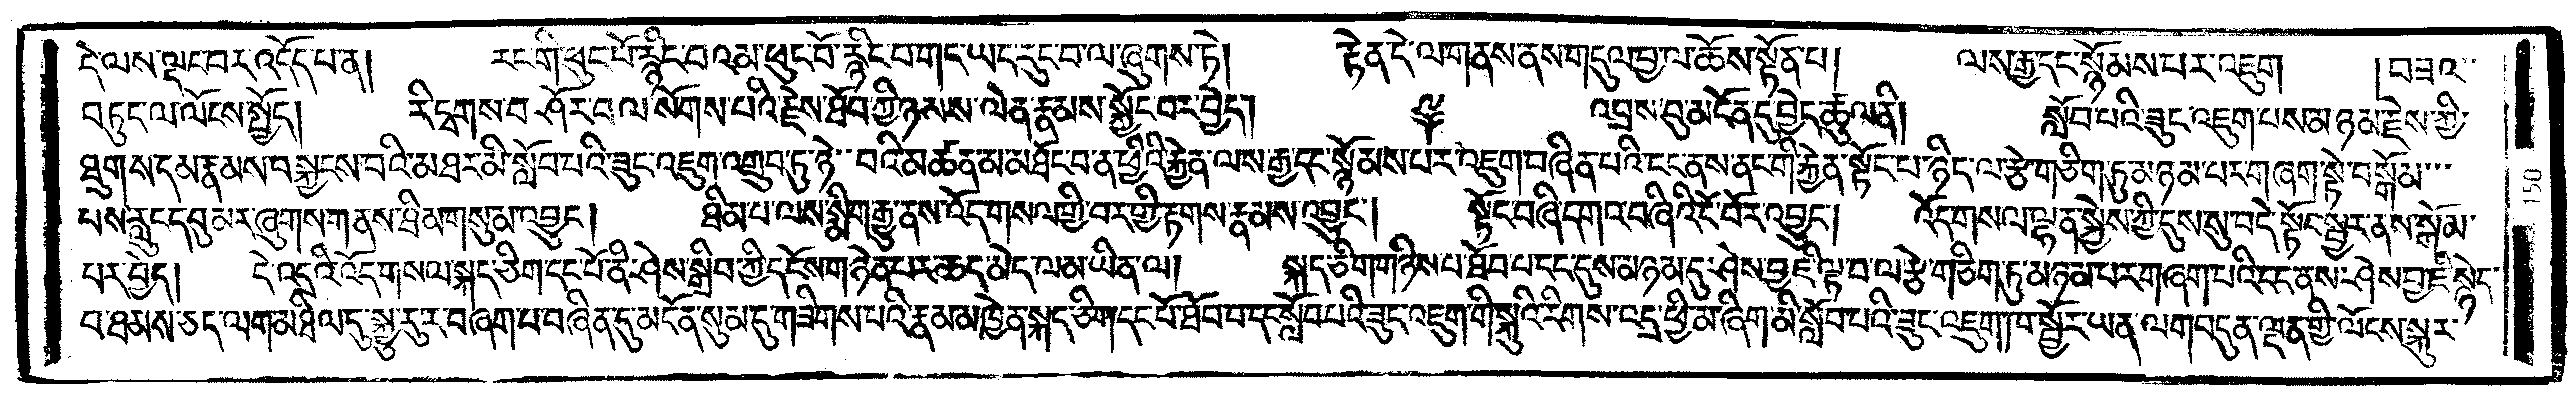དེ་ལས་ལྡང་བར་འདོད་པ་ན། རང་གི་ཕུང་པོ་རྙིང་བའམ་ཕུང་པོ་རྙིང་པ་གང་ཡང་རུང་བ་ལ་ཞུགས་ཏེ། རྟེན་དེ་ལ་གནས་ནས་གདུལ་བྱ་ལ་ཆོས་སྟོན་པ། ལས་རྒྱ་དང་སྙོམས་པར་འཇུག །བཟའ་
བཏུང་ལ་ལོངས་སྤྱོད། རི་དྭགས་བཤོར་བ་ལ་སོགས་པའི་རྗེས་ཐོབ་ཀྱི་ཉམས་ལེན་རྣམས་སྐྱོང་བར་བྱེད། ༈ འབྲས་བུ་མངོན་དུ་བྱེད་ཚུལ་ནི། སློབ་པའི་ཟུང་འཇུག་པས་མཉམ་རྗེས་ཀྱི་
ཐུགས་དམ་རྣམས་བསྐྱངས་བའི་མཐར་མི་སློབ་པའི་ཟུང་འཇུག་འགྲུབ་ཏུ་ཉེ་བའི་མཚན་མ་མཐོང་བ་ན་ཕྱིའི་རྐྱེན་ལས་རྒྱ་དང་སྙོམས་པར་འཇུག་བཞིན་པའི་ངང་ནས་ནང་གི་རྐྱེན་སྟོང་པ་ཉིད་ལ་རྩེ་གཅིག་ཏུ་མཉམ་པར་གཞག་སྟེ་བསྒོམ་
པས་རླུང་དབུ་མར་ཞུགས་གནས་ཐིམ་གསུམ་འབྱུང་། ཐིམ་པ་ལས་སྨིག་རྒྱུ་ནས་འོད་གསལ་གྱི་བར་གྱི་རྟགས་རྣམས་འབྱུང་། སྟོང་བཞི་དགའ་བཞིའི་ངོ་བོར་འབྱུང་། འོད་གསལ་ལྷན་སྐྱེས་ཀྱི་དུས་སུ་བདེ་སྟོང་སྦྱར་ནས་སྒོམ་
པར་བྱེད། དེ་འདྲའི་འོད་གསལ་སྐད་ཅིག་དང་པོ་ནི་ཤེས་སྒྲིབ་ཀྱི་དངོས་གཉེན་བར་ཆད་མེད་ལམ་ཡིན་ལ། སྐད་ཅིག་གཉིས་པ་ཐོབ་པ་དང་དུས་མཉམ་དུ་ཤེས་བྱ་ཇི་ལྟ་བ་ལ་རྩེ་གཅིག་ཏུ་མཉམ་པར་གཞག་པའི་ངང་ནས་ཤེས་བྱ་ཇི་སྙེད་
བ་ཐམས་ཅད་ལག་མཐིལ་དུ་སྐྱུ་རུ་ར་བཞག་པ་བཞིན་དུ་མངོན་སུམ་དུ་གཟིགས་པའི་རྣམ་མཁྱེན་སྐད་ཅིག་དང་པོ་ཐོབ་པ་དང་སློབ་པའི་ཟུང་འཇུག་གི་སྐུའི་རིགས་འདྲ་ཕྱི་མ་ཞིག་མི་སློབ་པའི་ཟུང་འཇུག་ཁ་སྦྱོར་ཡན་ལག་བདུན་ལྡན་གྱི་ལོངས་སྐུར་